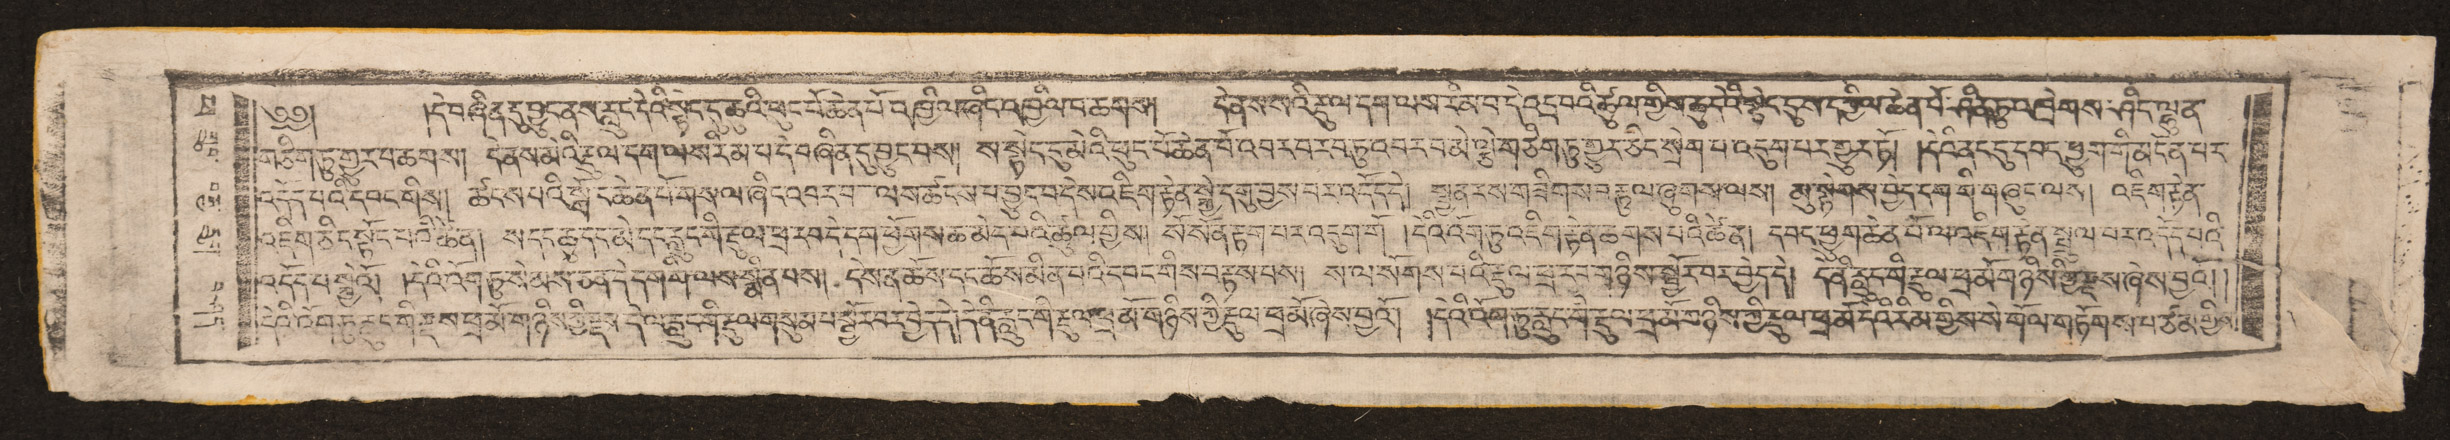༄༅། །དེ་བཞིན་དུ་བྱུང་ནས་རླུང་དེའི་སྟེང་དུ་ཆུའི་ཕུང་པོ་ཆེན་པོ་འཁྱིལ་ཞིང་འཁྱིལ་བ་ཆགས། དེ་ནས་སའི་རྡུལ་དག་ལས་རིམ་བ་དེ་འདྲ་བའི་ཚུལ་གྱིས་ཆུ་དེའི་སྟེང་དུས་དཀྱིལ་ཆེན་པོ་ཤིན་ཏུ་འཁྲེགས་ཤིང་ལྷུན་
གཅིག་ཏུ་གྱུར་པ་ཆགས། དེ་ནས་མེའི་རྡུལ་དག་ལས་རིམ་པ་དེ་བཞིན་དུ་བྱུང་བས། ས་སྟེང་དུ་མེའི་ཕུང་པོ་ཆེན་པོ་འབར་བ་རབ་ཏུ་འབར་བ་མེ་ལྕེ་གཅིག་ཏུ་གྱུར་ཅིང་སྲེག་པ་འདུག་པར་གྱུར་ཏོ། །དེའི་ནང་དུ་དབང་ཕྱུག་གི་མངོན་པར་
འདོད་པའི་དབང་གིས། ཚངས་པའི་སྒོ་ང་ཆེན་པོ་གསལ་ཞིང་འབར་བ་ལས་ཚངས་པ་བྱུང་བ་དེས་འཇིག་རྟེན་སྐྱེ་དགུ་བྱས་པར་འདོད་དེ། སྤྱན་རས་གཟིགས་བརྟུལ་ཞུགས་ལས། མུ་སྟེགས་བྱེད་དག་གི་གཞུང་ལས། འཇིག་རྟེན་
འཇིག་ཅིང་སྟོང་པའི་ཚེ་ན། ས་དང་ཆུ་དང་མེ་དང་རླུང་གི་རྡུལ་ཕྲ་རབ་དེ་དག་ཕྱོགས་ཆ་མེད་པའི་ཚུལ་གྱིས། སོ་སོན་རྟག་པར་འདུག་གོ །དེའི་འོག་ཏུ་འཇིག་རྟེན་ཆགས་པའི་ཚེ་ན། དབང་ཕྱུག་ཆེན་པོ་ལ་འཇིག་རྟེན་སྤྲུལ་པར་འདོད་པའི་
འདོད་པ་སྐྱེའོ། །དེའི་འོག་ཏུ་སེམས་ཅན་དེ་དག་གི་ལས་སྨིན་བས། དེས་ན་ཆོས་དང་ཆོས་མིན་པའི་དབང་གིས་བརྟས་པས། ས་ལ་སོགས་པའི་རྡུལ་ཕྲ་རབ་གཉིས་སྦྱོར་བར་བྱེད་དེ། དེ་ནི་རླུང་གི་རྡུལ་ཕྲ་མོ་གཉིས་ཀྱི་རྫས་ཞེས་བྱའོ།།
དེའི་འོག་ཏུ་རླུང་གི་རྫས་ཕྲ་མོ་གཉིས་ཀྱི་རྫས་དེ་ལ་རླུང་གི་རྡུལ་གསུམ་པ་སྦྱོར་བར་བྱེད་དེ། དེ་ནི་རླུང་གི་རྡུལ་ཕྲ་མོ་གཉིས་ཀྱི་རྡུལ་ཕྲ་མོ་ཞེས་བྱའོ། །དེའི་འོག་ཏུ་རླུང་གི་རྡུལ་ཕྲ་མོ་གཉིས་ཀྱི་རྡུལ་ཕྲ་མོ་དེའི་རིམ་གྱིས་སེ་གོལ་གཏོགས་པ་ཙམ་གྱིས་